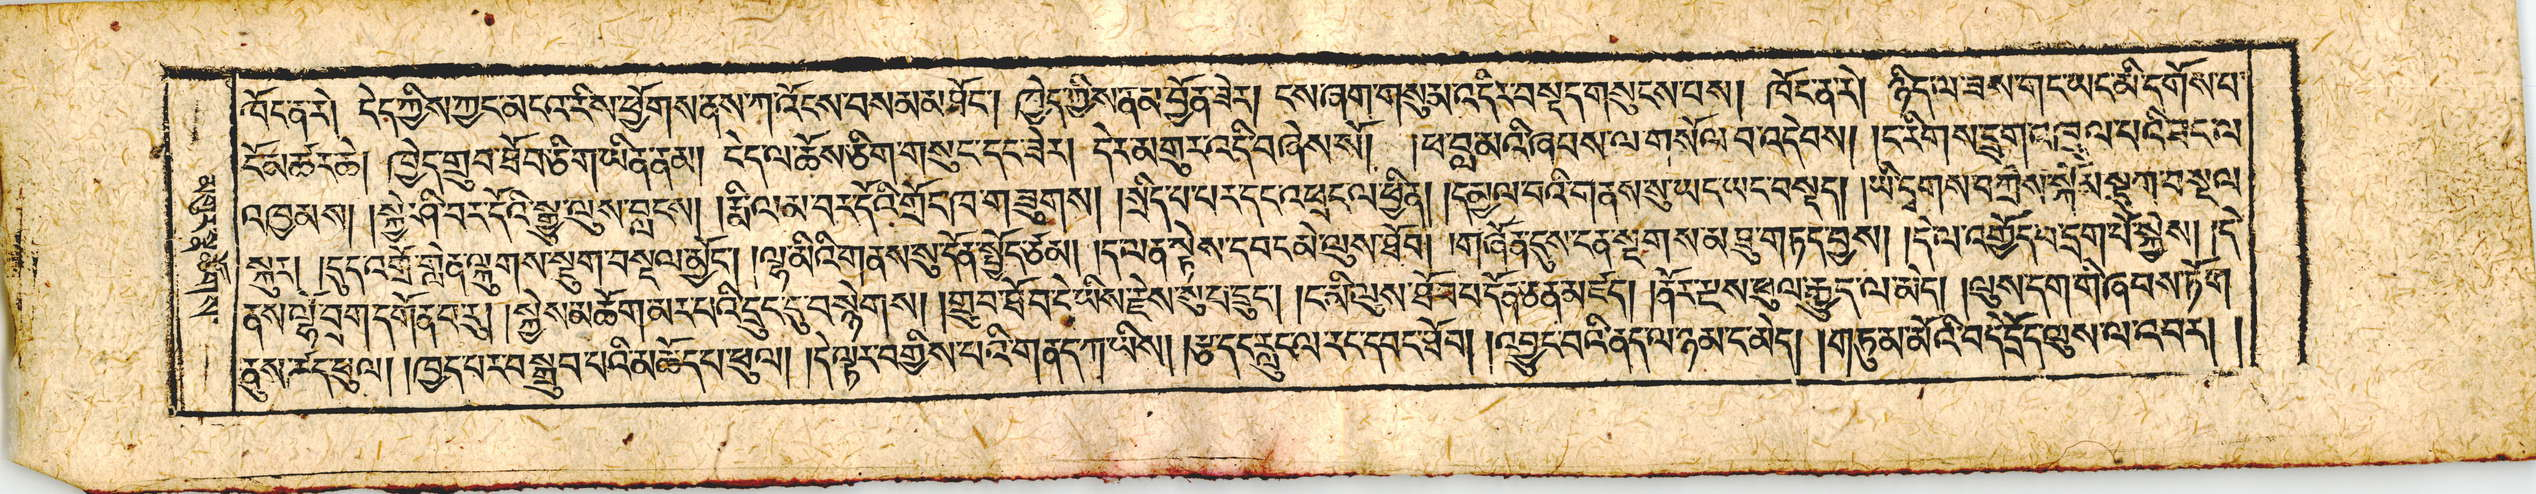ཁོང་ན་རེ། ངེད་ཀྱིས་ཀྱང་མངའ་རིས་ཕྱོགས་ནས་ཀ་འོངས་བསམ་མཐོང་། ཁྱེད་ཀྱིས་ནམ་བྱོན་ཟེར། ངས་ཞག་གསུམ་འདིར་བསྡད་གསུངས་པས། ཁོང་ན་རེ། ཉིད་ལ་ཟས་གང་ཡང་མི་དགོས་པ་
ངོ་མཚར་ཆེ། ཁྱེད་གྲུབ་ཐོབ་ཅིག་ཡིན་ནམ། ངེད་ལ་ཆོས་ཅིག་གསུང་དང་ཟེར། དེར་མགུར་འདི་བཞེས་སོ། །ཕ་བླ་མའི་ཞབས་ལ་གསོལ་བ་འདེབས། །ང་རིགས་དྲུག་འཁྲུལ་པའི་ཐང་ལ་
འཁྱམས། །སྐྱེ་ཤི་བར་དོའི་སྒྱུ་ལུས་བླངས། །རྨི་ལམ་བར་དོའི་གྲོང་ཁ་གཟུགས། །སྲིད་པ་བར་དོའི་འཕྲང་ལ་ཕྱིན། །དམྱལ་བའི་གནས་སུ་ཡང་ཡང་བསྡད། །ཡི་དྭགས་བཀྲེས་སྐོམ་སྡུག་
སྐུར། །དུད་འགྲོ་གླེན་ལྐུགས་སྡུག་བསྔལ་མྱོང་། །ལྷ་མིའི་གནས་སུ་དོན་སྤྱོད་ཙམ། །ད་ལན་སྟེས་དབང་མི་ལུས་ཐོབ། །གཞོན་དུས་ངན་སྔགས་མཐུ་གཏད་བྱས། །དེ་ལ་འགྱོད་པ་དྲག་པོ་སྐྱེས། །དེ་
ནས་ལྷོ་བྲག་དགོན་པ་རུ། །སྐྱེས་མཆོག་མར་པའི་དྲུང་དུ་བསྙེགས། །གྲུབ་ཐོབ་དེ་ཡིས་རྗེས་སུ་བཟུང་། །ང་མི་ལུས་ཐོབ་པ་དོན་ཅན་མཛད། །ནོར་རྫས་ཕུལ་རྒྱུ་ང་ལ་མེད། །ལུས་ངག་གི་ཞབས་ཏོག་
ནུས་ཚད་ཕུལ། །ཁྱད་པར་བསྒྲུབ་པའི་མཆོད་པ་ཕུལ། །དེ་ལྟར་བགྱིས་པའི་གནད་ཀ་ཡིས། །རྩ་དང་རླུང་ལ་རང་དབང་ཐོབ། །འབྱུང་བའི་ནད་ལ་ཉམ་ང་མེད། །གཏུམ་མོའི་བདེ་དྲོད་ལུས་ལ་འབར། །